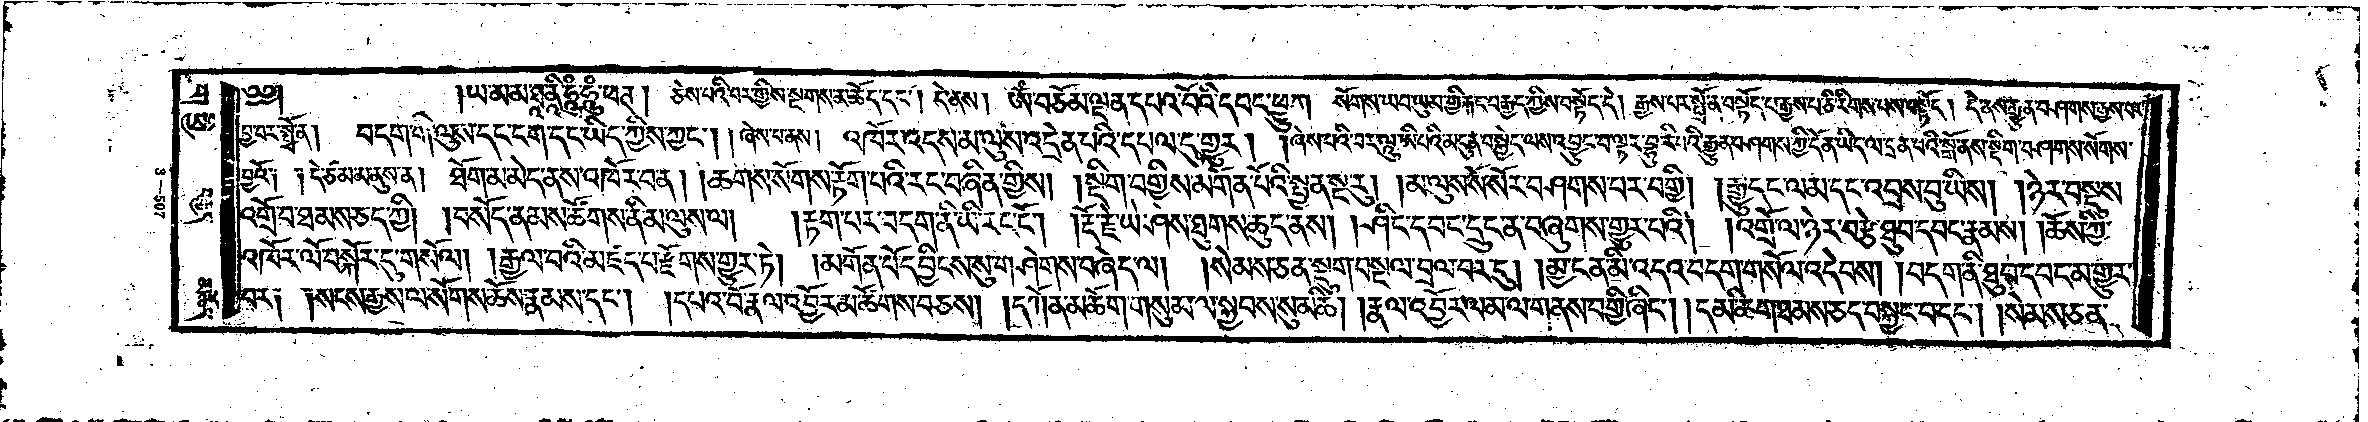༄༅། །ཡ་མ་མ་ཐའ་ནཱི་ཧཱུ྾་ཧཱུ྾་ཕཊ། ཅེས་པའི་བར་གྱིས་སྔགས་མཆོད་དང་། དེ་ནས།  ཨོ྾་བཅོམ་ལྡན་དཔའ་བོའི་དབང་ཕྱུག་སོགས་ཡབ་ཡུམ་གྱི་རྐང་བརྒྱད་ཀྱིས་བསྟོད་དེ། རྒྱས་པར་སྤྲོ་ན་བསྟོད་པ་རྒྱས་པ་ཅི་རིགས་པས་བསྟོད། དེ་ནས་རྒྱུན་བཤགས་རྒྱས་པར་
བྱ་བར་སྤྲོ་ན། བདག་གི་ལུས་དང་ངག་དང་ཡིད་ཀྱིས་ཀྱང་། །ཞེས་པ་ནས།  འཁོར་འདས་མ་ལུས་འདྲེན་པའི་དཔལ་དུ་གྱུར། །ཞེས་པའི་བར་ལཱུ་ཨི་པའི་མདུན་བསྐྱེད་ལས་འབྱུང་བ་ལྟར་བྷུ་རི་པའི་རྒྱུན་བཤགས་ཀྱི་དོན་ཡིད་ལ་དྲན་པའི་སྒོ་ནས་སྡིག་བཤགས་སོགས་
བྱའོ༑ ༑དེ་ཙམ་མ་ནུས་ན། ཐོག་མ་མེད་ནས་འཁོར་བ་ན། །ཆགས་སོགས་རྟོག་པའི་རང་བཞིན་གྱིས། །སྡིག་བགྱིས་མགོན་པོའི་སྤྱན་སྔ་རུ། །མ་ལུས་སོ་སོར་བཤགས་པར་བགྱི། །རྒྱུ་དང་ལམ་དང་འབྲས་བུ་ཡིས། །ཉེར་བསྡུས་
འགྲོ་བ་ཐམས་ཅད་ཀྱི། །བསོད་ནམས་ཚོགས་ནི་མ་ལུས་ལ། །རྟག་པར་བདག་ནི་ཡི་རང་ངོ། །རྡོ་རྗེ་ཡེ་ཤེས་ཐུགས་ཆུད་ནས། །ཤིང་དབང་དྲུང་ན་བཞུགས་གྱུར་པའི། །འགྲོ་ལ་ཉེར་བརྩེ་ཐུབ་དབང་རྣམས། །ཆོས་ཀྱི་
འཁོར་ལོ་བསྐོར་དུ་གསོལ། །རྒྱལ་བའི་མཛད་པ་རྫོགས་གྱུར་ཏེ། །མགོན་པོ་དབྱིངས་སུ་གཤེགས་བཞེད་ལ། །སེམས་ཅན་སྡུག་བསྔལ་བྲལ་བར་དུ། །མྱ་ངན་མི་འདའ་བདག་གསོལ་འདེབས། །བདག་ནི་ཐུབ་དབང་མ་གྱུར་
བར༑ ༑སངས་རྒྱས་ལ་སོགས་ཆོས་རྣམས་དང་། །དཔའ་བོ་རྣལ་འབྱོར་མ་ཚོགས་བཅས། །དཀོན་མཆོག་གསུམ་ལ་སྐྱབས་སུ་མཆི། །རྣལ་འབྱོར་ལམ་ལ་གནས་བགྱི་ཞིང་། །དམ་ཚིག་ཐམས་ཅད་བསྐྱང་བ་དང་། །སེམས་ཅན་